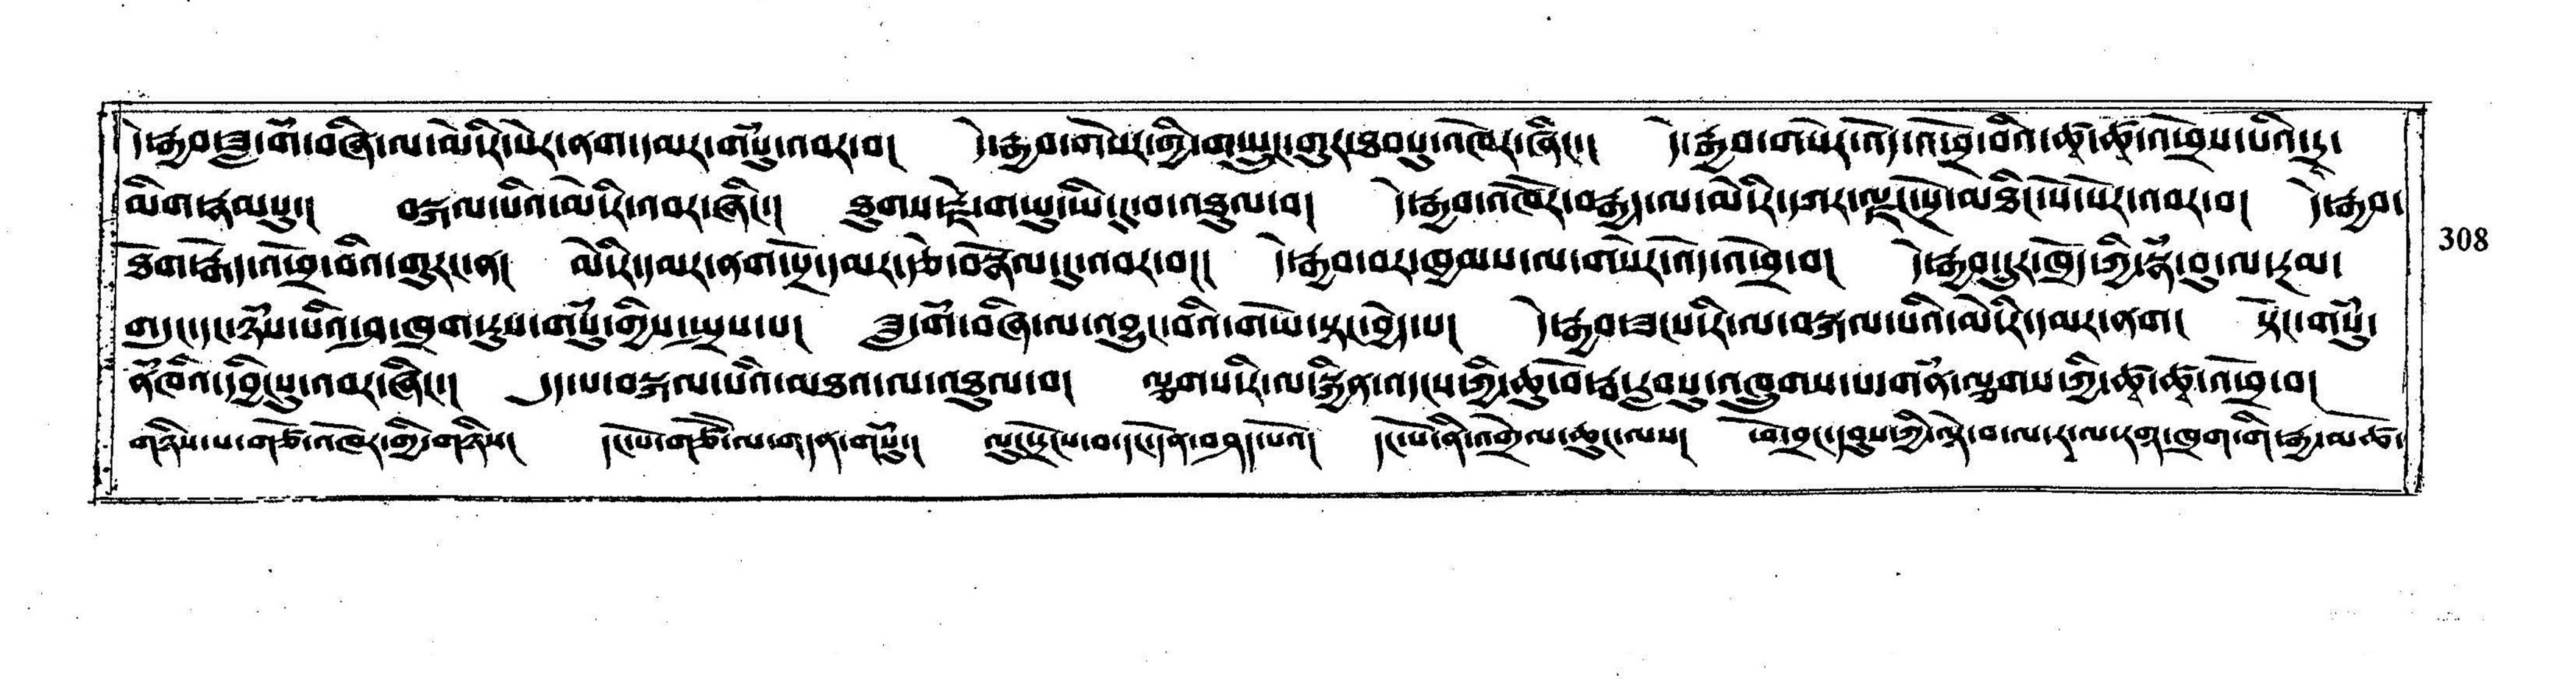དེ་རྒྱབ་ཟླ་གམ་བཞི་ལ་མེ་རི་སེར་ནག་དམར་གསུམ་འབར་བ། དེ་རྒྱབ་གསེར་གྱི་གཡུང་དྲུང་གུར་ཐབས་སུ་འཁོར་ཞིང་། དེ་རྒྱབ་གསེར་འོད་འཕྲོ་བའི་ཚྭ་ཚྭ་འཕྲོས་པའི་དྲྭ་
མིག་རྣམས་སུ། བསྐལ་པའི་མེ་རི་འབར་ཞིང་། ཐུགས་རྗེ་གཡུ་ཡི་དུ་བ་འཐུལ་བ། དེ་རྒྱབ་འཁོར་ལོ་བརྒྱད་ལ་མེ་རི་དཀར་ལྗང་སྔོ་མཐིང་སོ་སོར་འབར་བ། དེ་རྒྱབ་
ཐོག་རྒོད་འཕྲོ་བའི་གུར་ཁང་ན། མེ་རི་དམར་ནག་སྔོ་དམར་རྩེ་བསྣོལ་དུ་འབར་བ། དེ་རྒྱབ་བར་ཁྱམས་ལ་གསེར་འོད་འཕྲོ་བ། དེ་རྒྱབ་དུར་ཁྲོད་ཀྱི་སྣམ་བུ་ལ་རྔམ་
གདུང་དང་ཉམས་པའི་ཤ་ཁྲག་རུས་གསུམ་གྱིས་སྤྲས་པ། ཟླ་གམ་བཞི་ལ་འབྱུང་བའི་གཡོ་སྟང་བྱེད་པ། དེ་རྒྱབ་ཟངས་རི་ལ་བསྐལ་པའི་མེ་རི་དམར་ནག སྟོང་གསུམ་
ནམ་མཁའི་དབྱིངས་སུ་འབར་ཞིང་། དུད་པ་བསྐལ་པའི་མཐའ་ལ་འཐུལ་བ། ལྕགས་རི་ལ་སྐྱིན་འདངས་ཀྱི་ཆུ་བོ་རྦ་རླབས་སུ་འཁྲུགས་པ་གནམ་ལྕགས་ཀྱི་ཚྭ་ཚྭ་འཕྲོ་བ། 
གཉིས་པ་གཙོ་འཁོར་གྱི་གཉིས། དང་པོ་གཙོ་བོ་ལ་གདན་གསུམ། ལུང་དྲང་བ་དང་དོན་བཤད་པའོ། དང་པོ་ནི་འགྲེལ་ཆུང་ལས། ཕོ་བྲང་དབུས་ཀྱི་ལྟེ་བ་ལ་རྭ་ལ་རགྟ་ཁྲག་གི་རྒྱ་མཚོ་